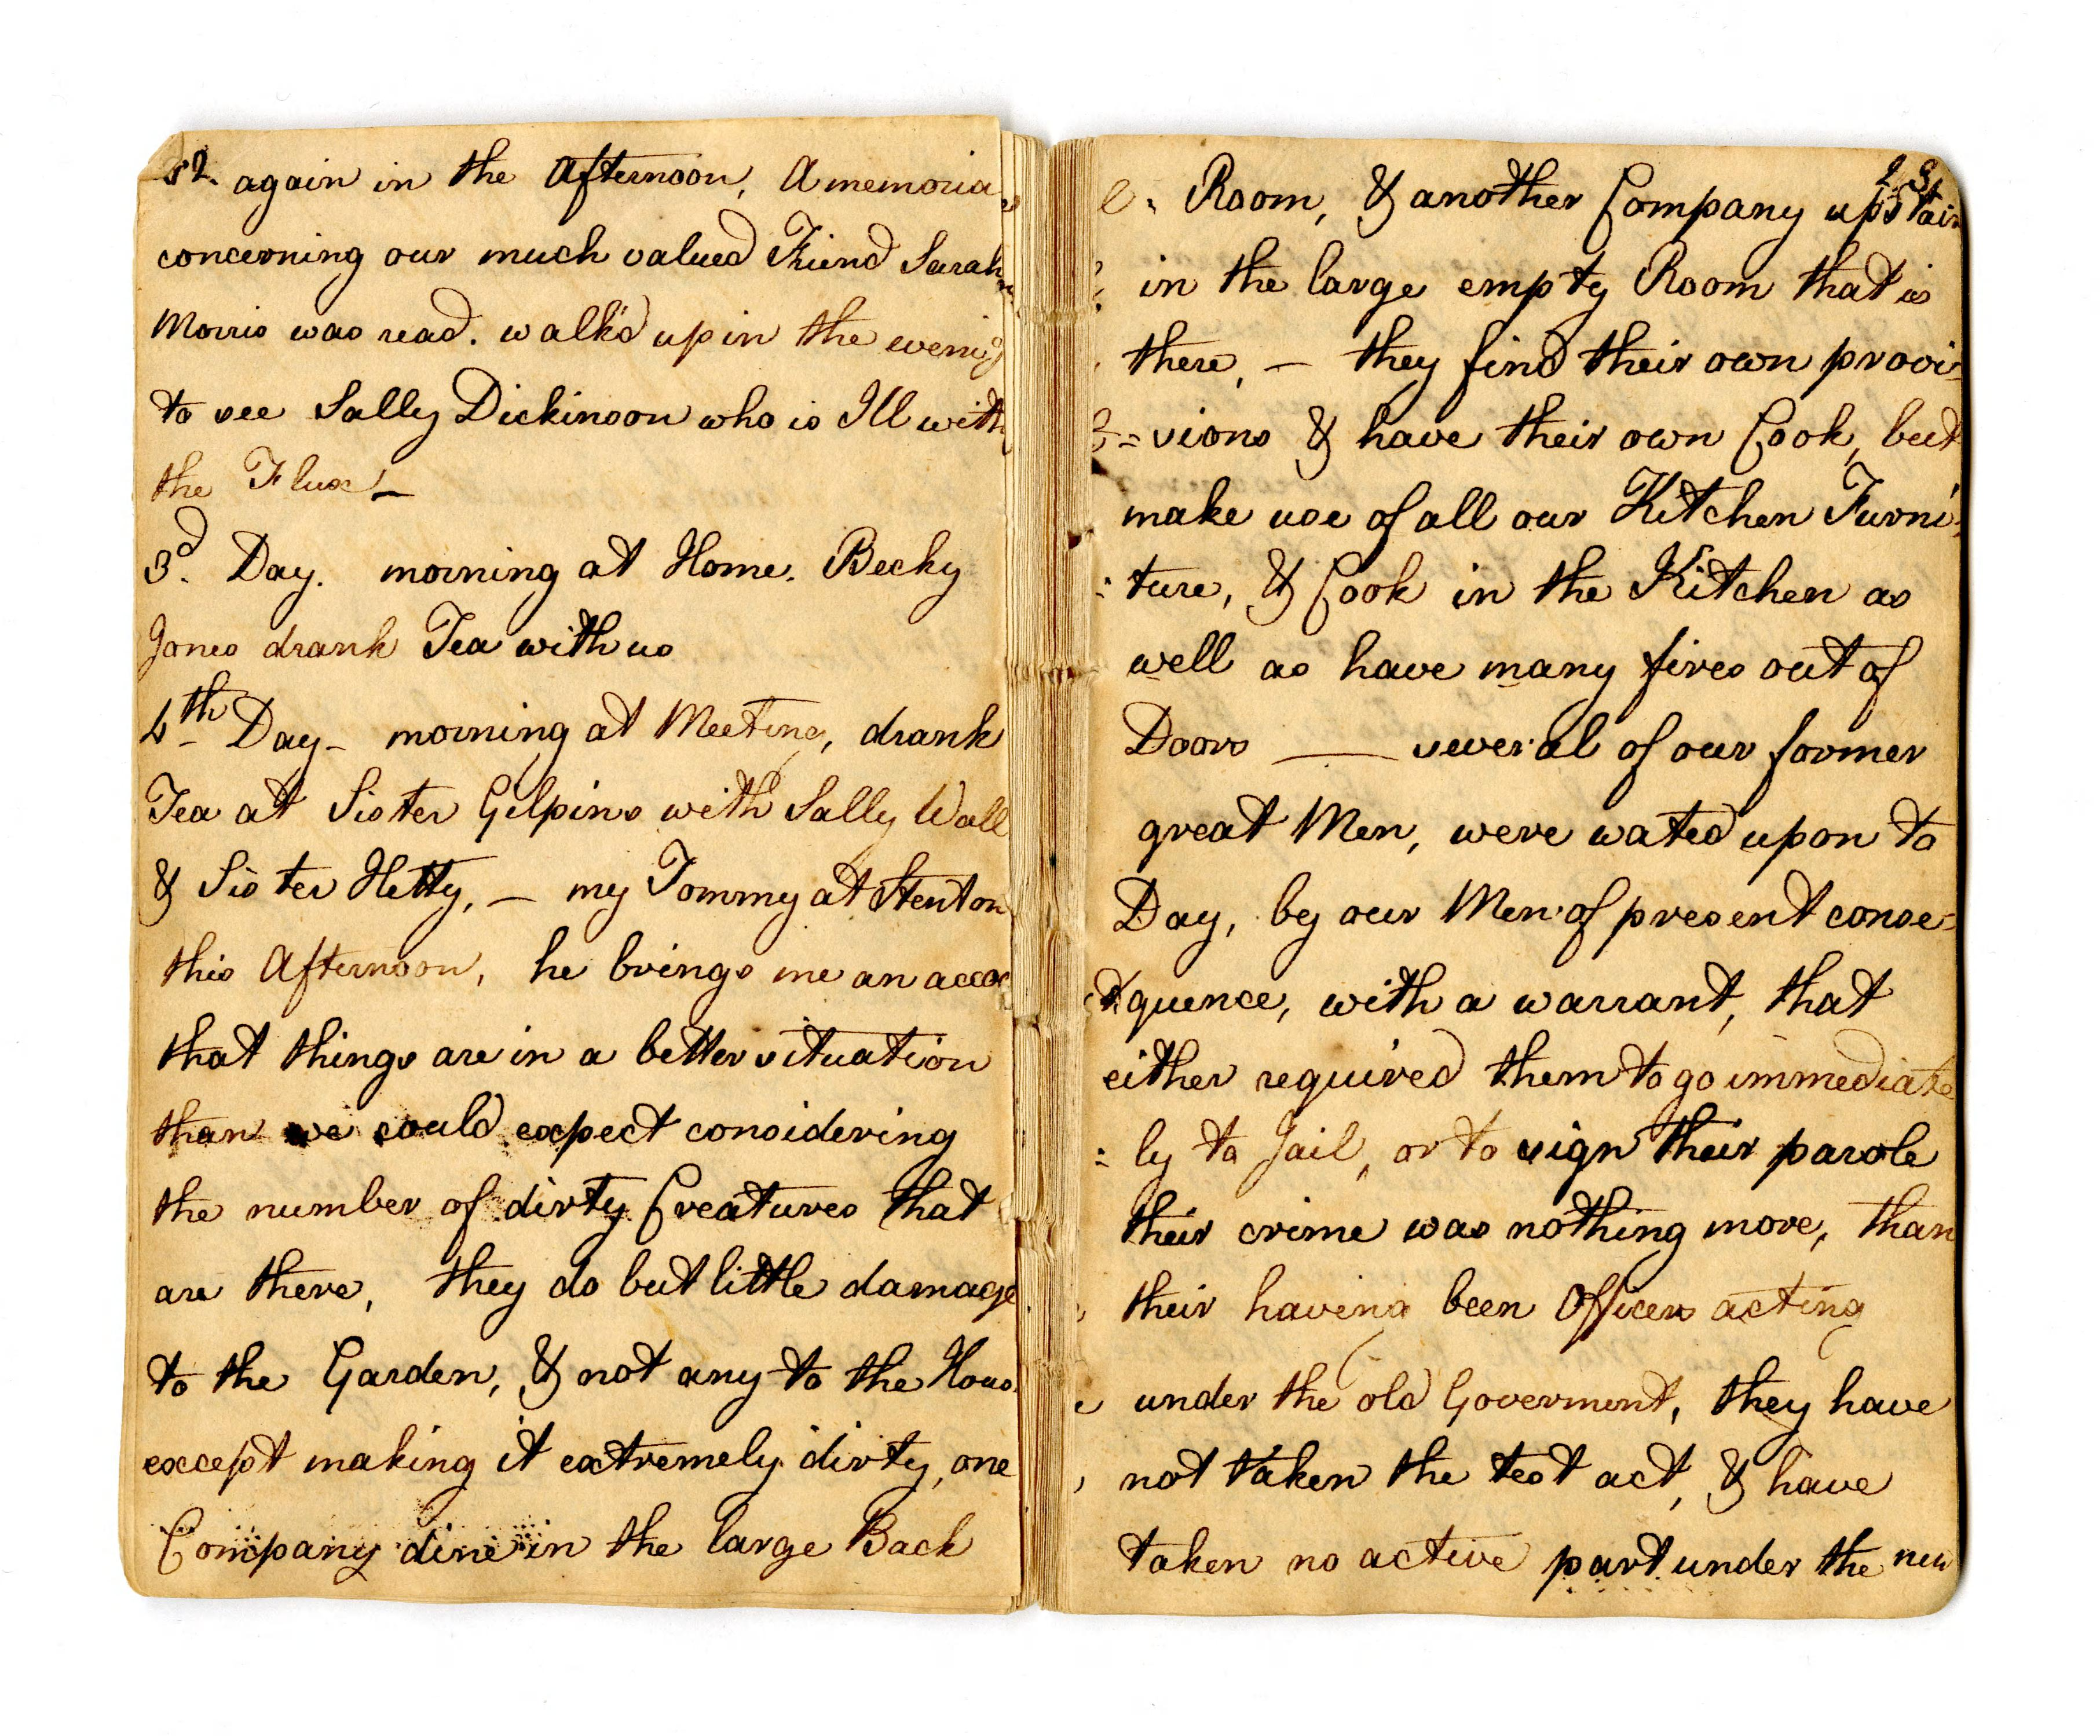again in the Afternoon, A memoria
concerning our much valued Friend Sarah
Morris was read. walk'd up in the even^g
to see Sally Dickinson who is Ill with
the Flux-
3^d Day. morning at Home. Becky
Jones drank Tea with us
4^th Day- morning at Meeting, drank
Tea at Sister Gilpins with Sally Wall
& Sister Hetty,- my Tommy at Stenton
this Afternoon, he brings me an accou
that things are in a better situation
than we could expect considering
the number of dirty Creatures that
are there, they do but little damage
to the Garden, & not any to the Hous
except making it extremely dirty, one
Company dine in the large Back
Room, & another Company upstairs
in the large empty Room that is
there,- they find their own provis
-vions & have their own Cook, but
make use of all our Kitchen Furni-
-ture, & Cook in the Kitchen as
well as have many fires out of
Doors- several of our former
great Men, were wated upon to
Day, by our Men of present conse-
-quence, with a warrant, that
either required them to go immediate
-ly to Jail, or to sign their parole
their crime was nothing more, than
their having been Officers acting
under the old Government, they have
not taken the test act, & have
taken no active part under the new